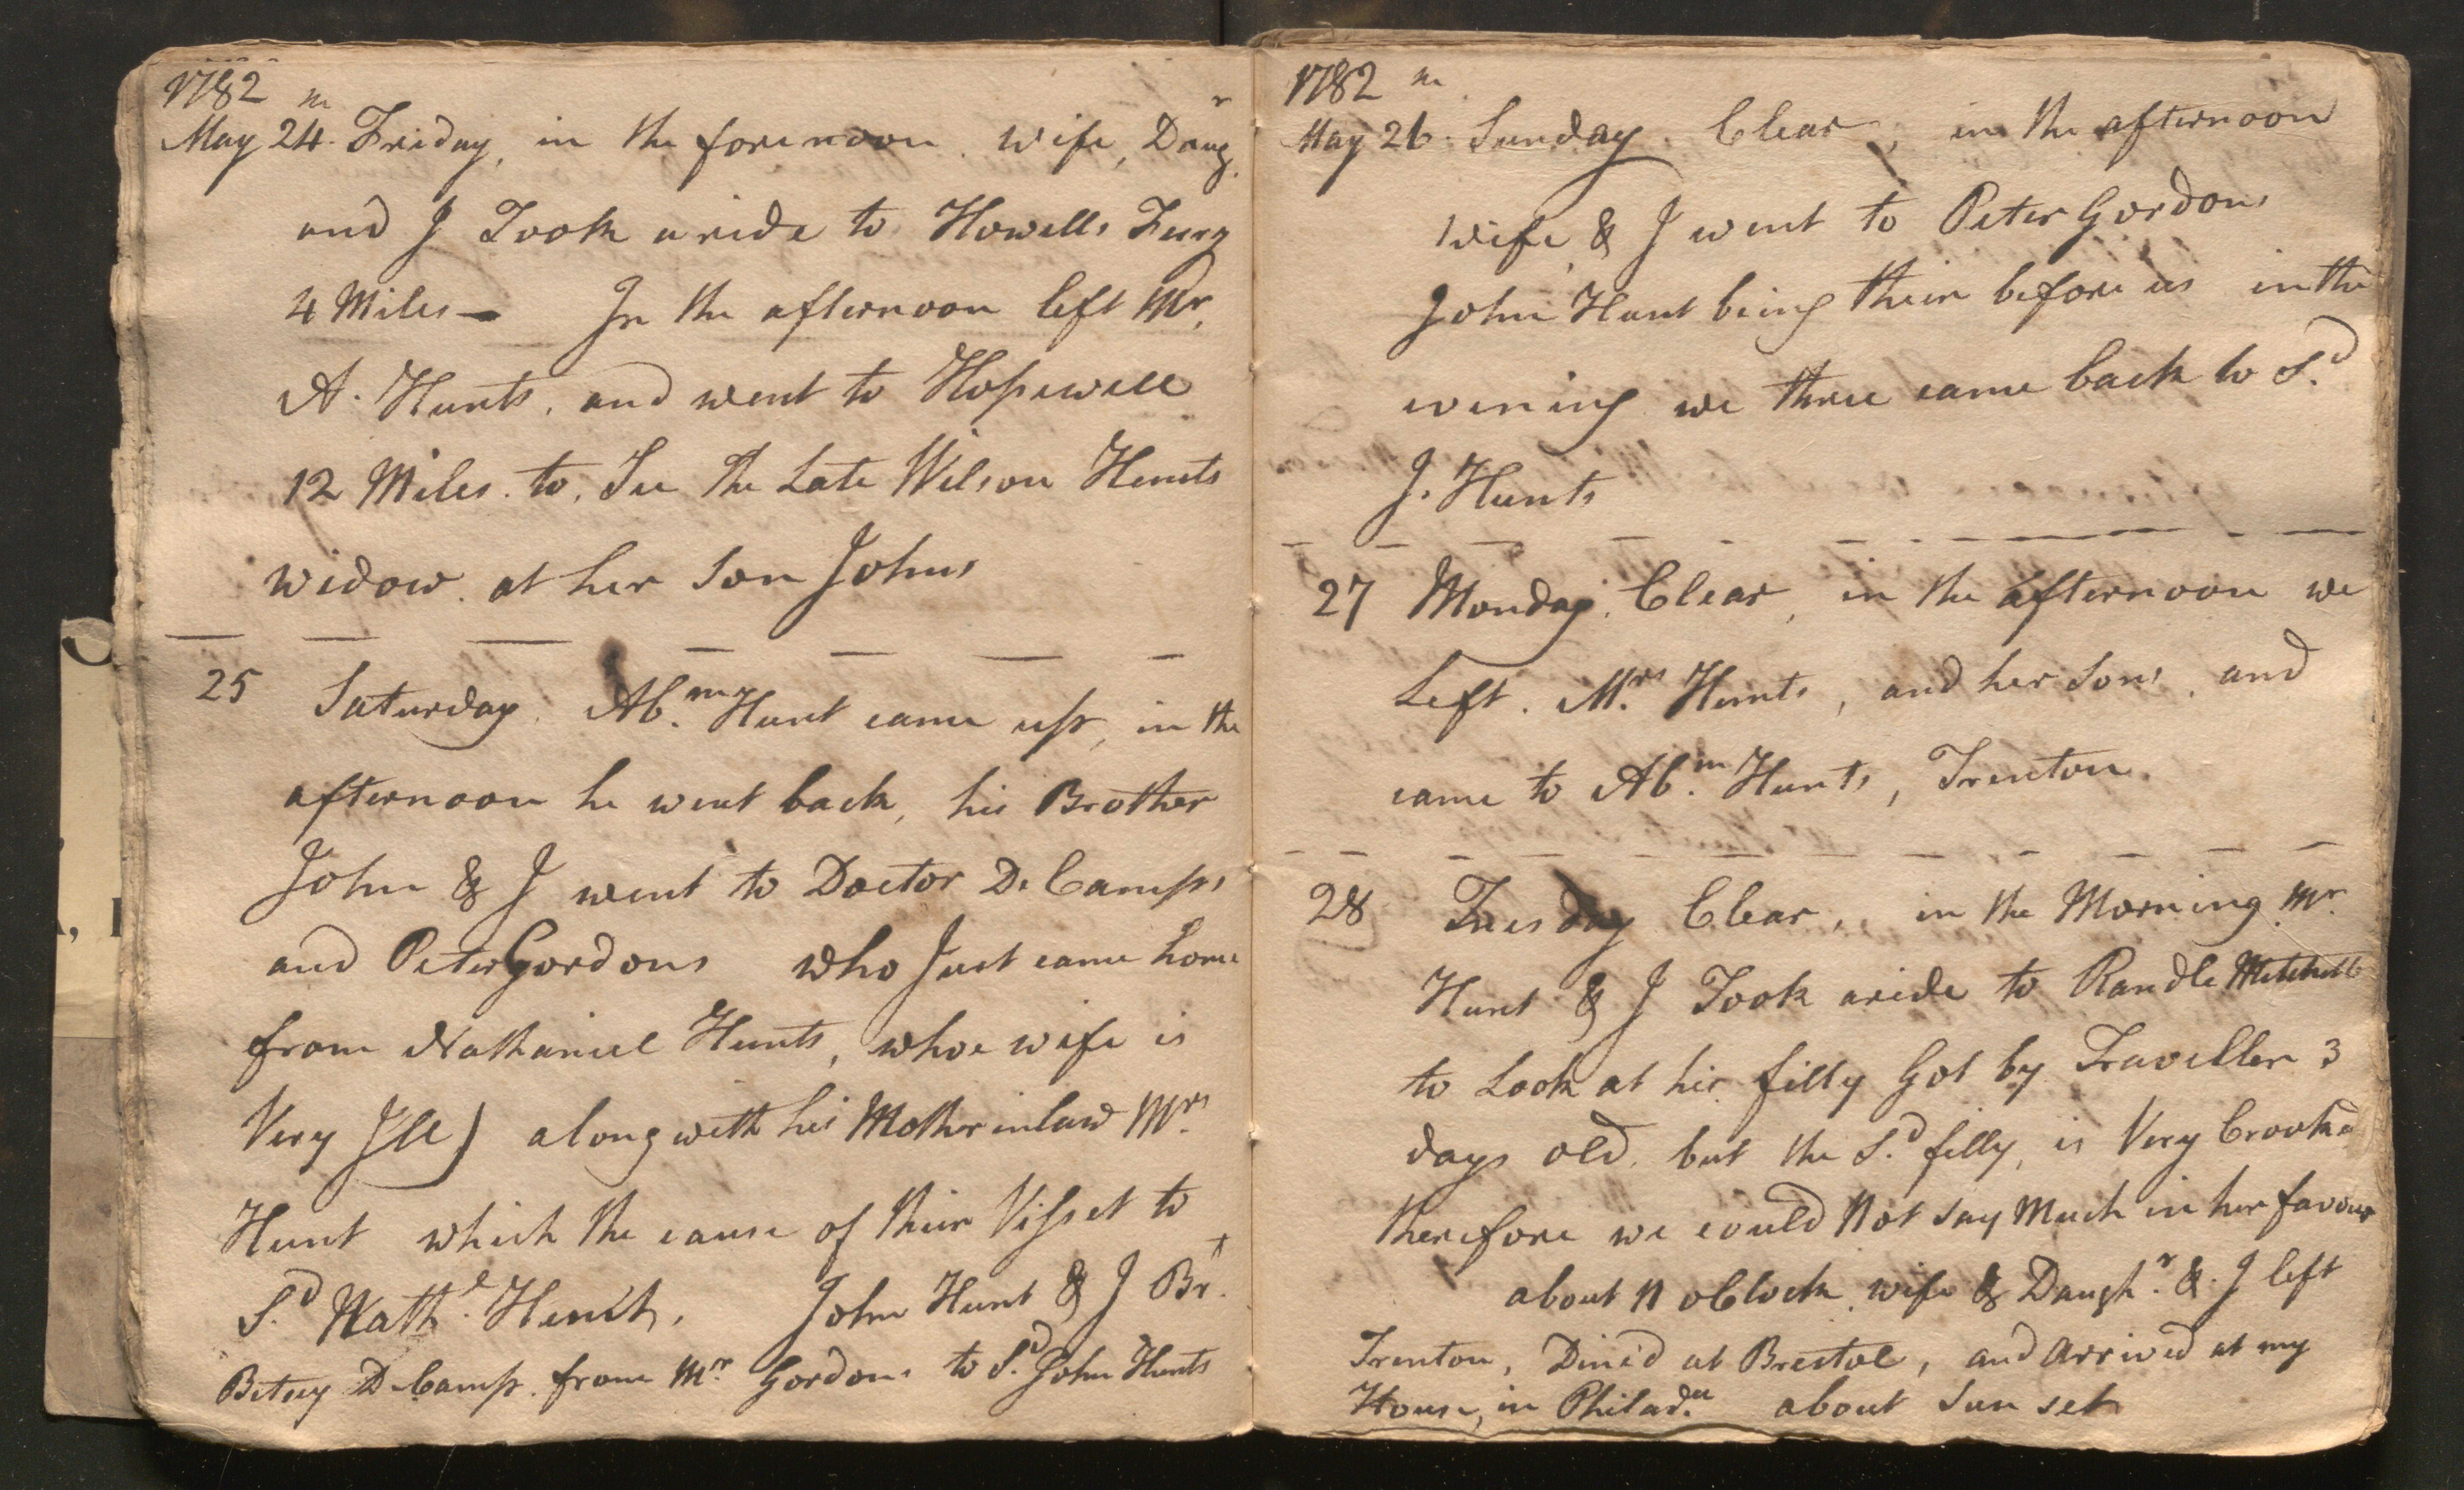1782
May 24^th. Friday in the forenoon wife, Daug^r
and I Took a ride to Howells Ferry
4 Miles- In the afternoon left M^r.
A. Hunts, and went to Hopewell
12 Miles to See The Late Wilson Hunts
widow at her son Johns
25 Saturday. Ab^m. Hunt came up in the
afternoon he went back, his Brother
John & I went to Doctor DeCamps
and Peter Ggordons who Just came home
from Nathaniel Hunts, whoe wife is
Very Ill) along with his Mother inlaw M^r.
Hunt which the cause of their Visset to
S^d. Nath^l. Hunt. John Hunt & I Br^t.
Betsey DeCamp from M^r. Gordons to s^d. John Hunts
1782
May 26^th. Sunday. Clear, in the afternoon
wife & I went to Peter Gordons
John Hunt being their before us in the
evening, we three came back to s^d.
J. Hunts
27 Monday Clear in the afternoon we
Left. M^r. Hunts, and her sons, and
came to Ab^m. Hunts, Trenton
28. Tuesday Clear, in the Moming M^r.
Hunt & I Took a ride to Randle Mitchell
to Look at his filly Got by Faveller 3
days old, but the s^d. filly, is Very Crooked
therefore we could Not say Much in her favour
about 11 oClock, wife & Daugh^r. &. I left
Trenton, Dine'd at Bristol, and arrived at my
House, in Philad^a. about Sun set